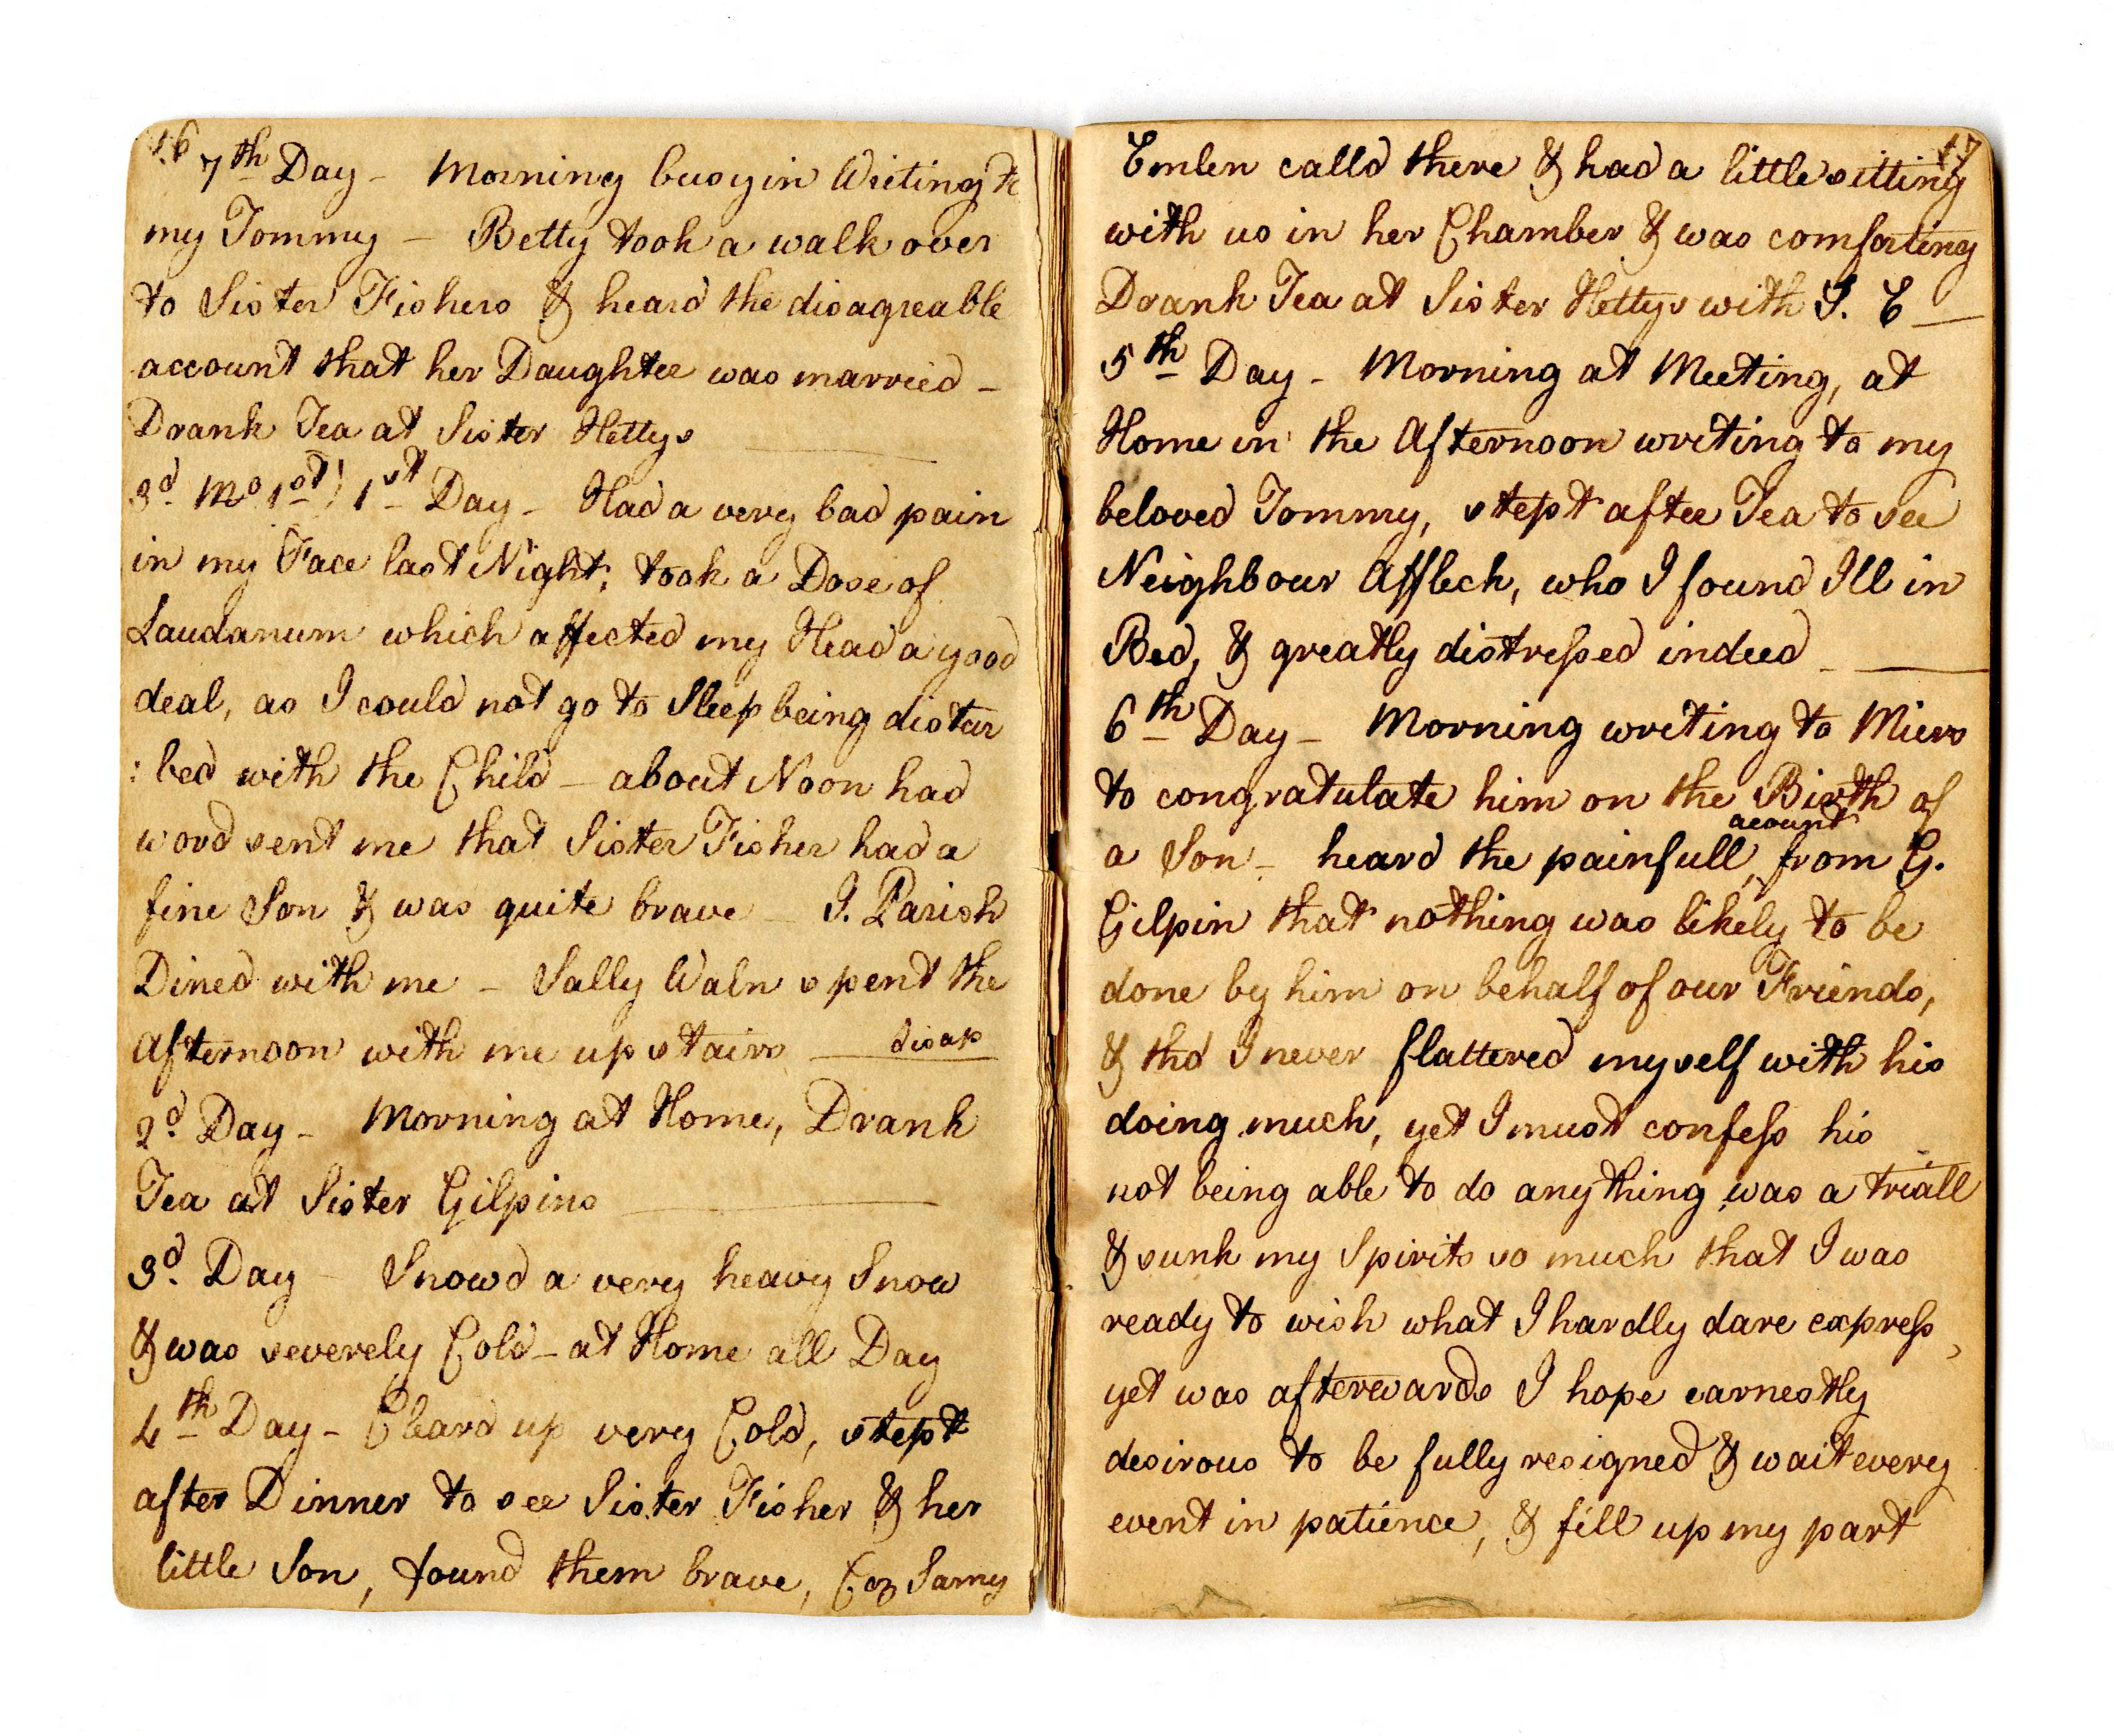16
7^th Day- morning busy in Writing to
my Tommy- Betty took a walk over
to Sister Fishers & heard the disagreable
account that her Daughter was married-
Drank Tea at Sister Hettys
3^d M^o 1^st) 1^st Day- Had a very bad pain
in my Face last Night, took a Dose of
Laudanum which affected my Head a good
deal, as I could not go to Sleep being distur
-bed with the Child- about Noon had
word sent me that Sister Fisher had a
fine Son & was quite brave- I. Parish
Dined with me- Sally Waln spent the
Afternoon with me up stairs- disap
2^d. Day- Morning at Home, Drank
Tea at Sister Gilpins
3^d. Day- Snowd a very heavy Snow
& was severely Cold- at Home all Day
4^th Day- Cleard up very Cold, stept
after Dinner to see Sister Fisher & her
little Son, found them brave, Coz Samy
17
Emlen calld there & had a little sitting
with us in her Chamber & was comforting
Drank Tea at Sister Hettys with [J.] E
5^th Day- Morning at Meeting, at
Home in the Afternoon writing to my
beloved Tommy, stept after Tea to see
Neighbour Affleck, who I found Ill in
Bed, & greatly distressed indeed
6^th Day- Morning writing to Miers
to congratulate him on the Birth of
acount
a Son- heard the painfull from G.
Gilpin that nothing was likely to be
done by him on behalf of our Friends,
& tho' I never flattered myself with his
doing much, yet I must confess his
not being able to do anything was a triall
& sunk my Spirits so much that I was
ready to wish what I hardly dare express
yet was afterwards I hope earnestly
desirous to be fully resigned & wait every
event in patience, & fill up my part